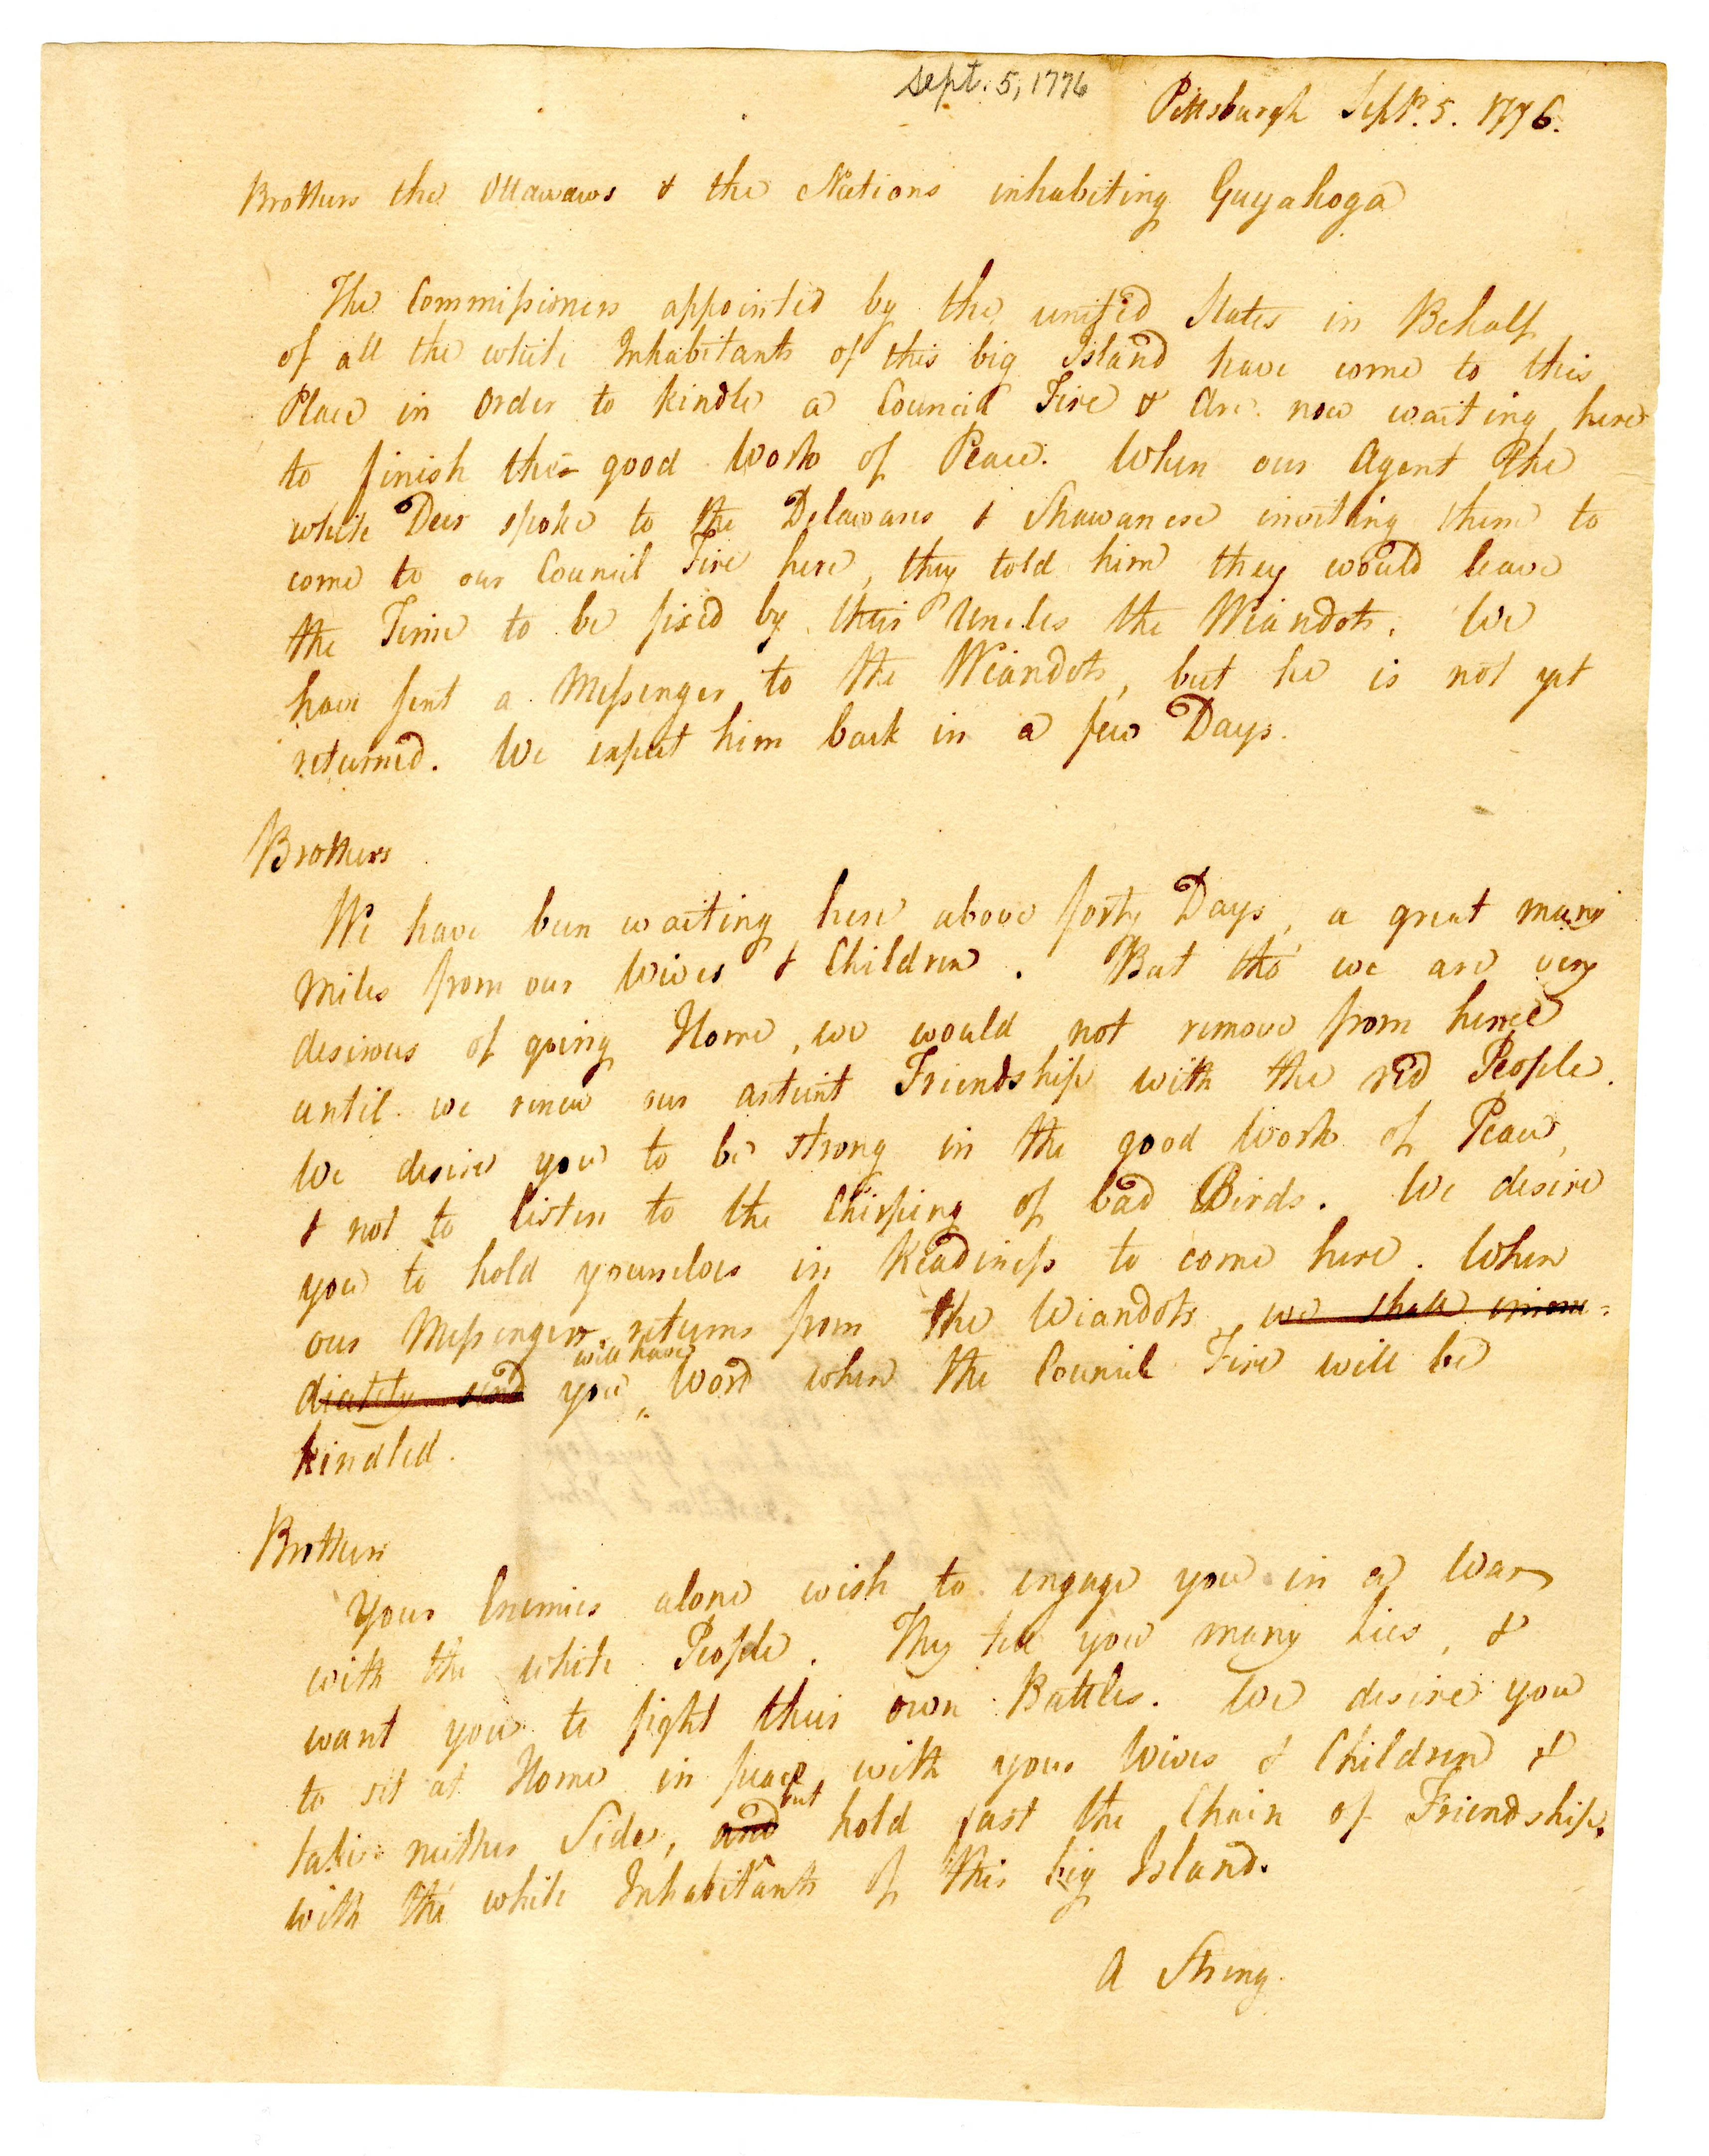Pittsburgh Sept^r. 5. 1776.
Brothers the Ottawaws & the Nations inhabiting Cuyahoga
The Commissioners appointed by the united States in Behalf
of all the white Inhabitants of this big Island have come to this
Place in order to kindle a Council Fire & Are now waiting here
to finish this good work of Peace. When our agent the
white Deer spoke to the Delaware & Shawanese inviting them to
come to our Council Fire here, they told him they would leave
the Time to be fixed by their Uncles the Wiandots; We
have sent a Messenger to the Wiandots, but he is not yet
returned. We expect him back in a few Days.
Brothers.
We have been waiting here above forty Days, a great many
miles from our Wives & Children. But tho' we are very
desirous of going Home, we would not remove from hence
until we renew our antient Friendship with the red People.
We desire you to be strong in the good work of Peace,
& not to listen to the chirping of bad Birds. We desire
you to hold yourselves in Readiness to come here. When
our Messenger returns from the Wiandots [we shall imme]
will have
[diately send] you ^ word when the Council Fire will be
kindled.
Brothers
Your Enemies alone wish to engage you in a War
with the white People. Thy tell you many Lies, &
want you to fight their own Battles. We desire you
to sit at Home in peace with your Wives & Children &
but
take neither Side, [and] ^ hold fast the Chain of Friendship
with the white Inhabitants of this big Island.
A String-